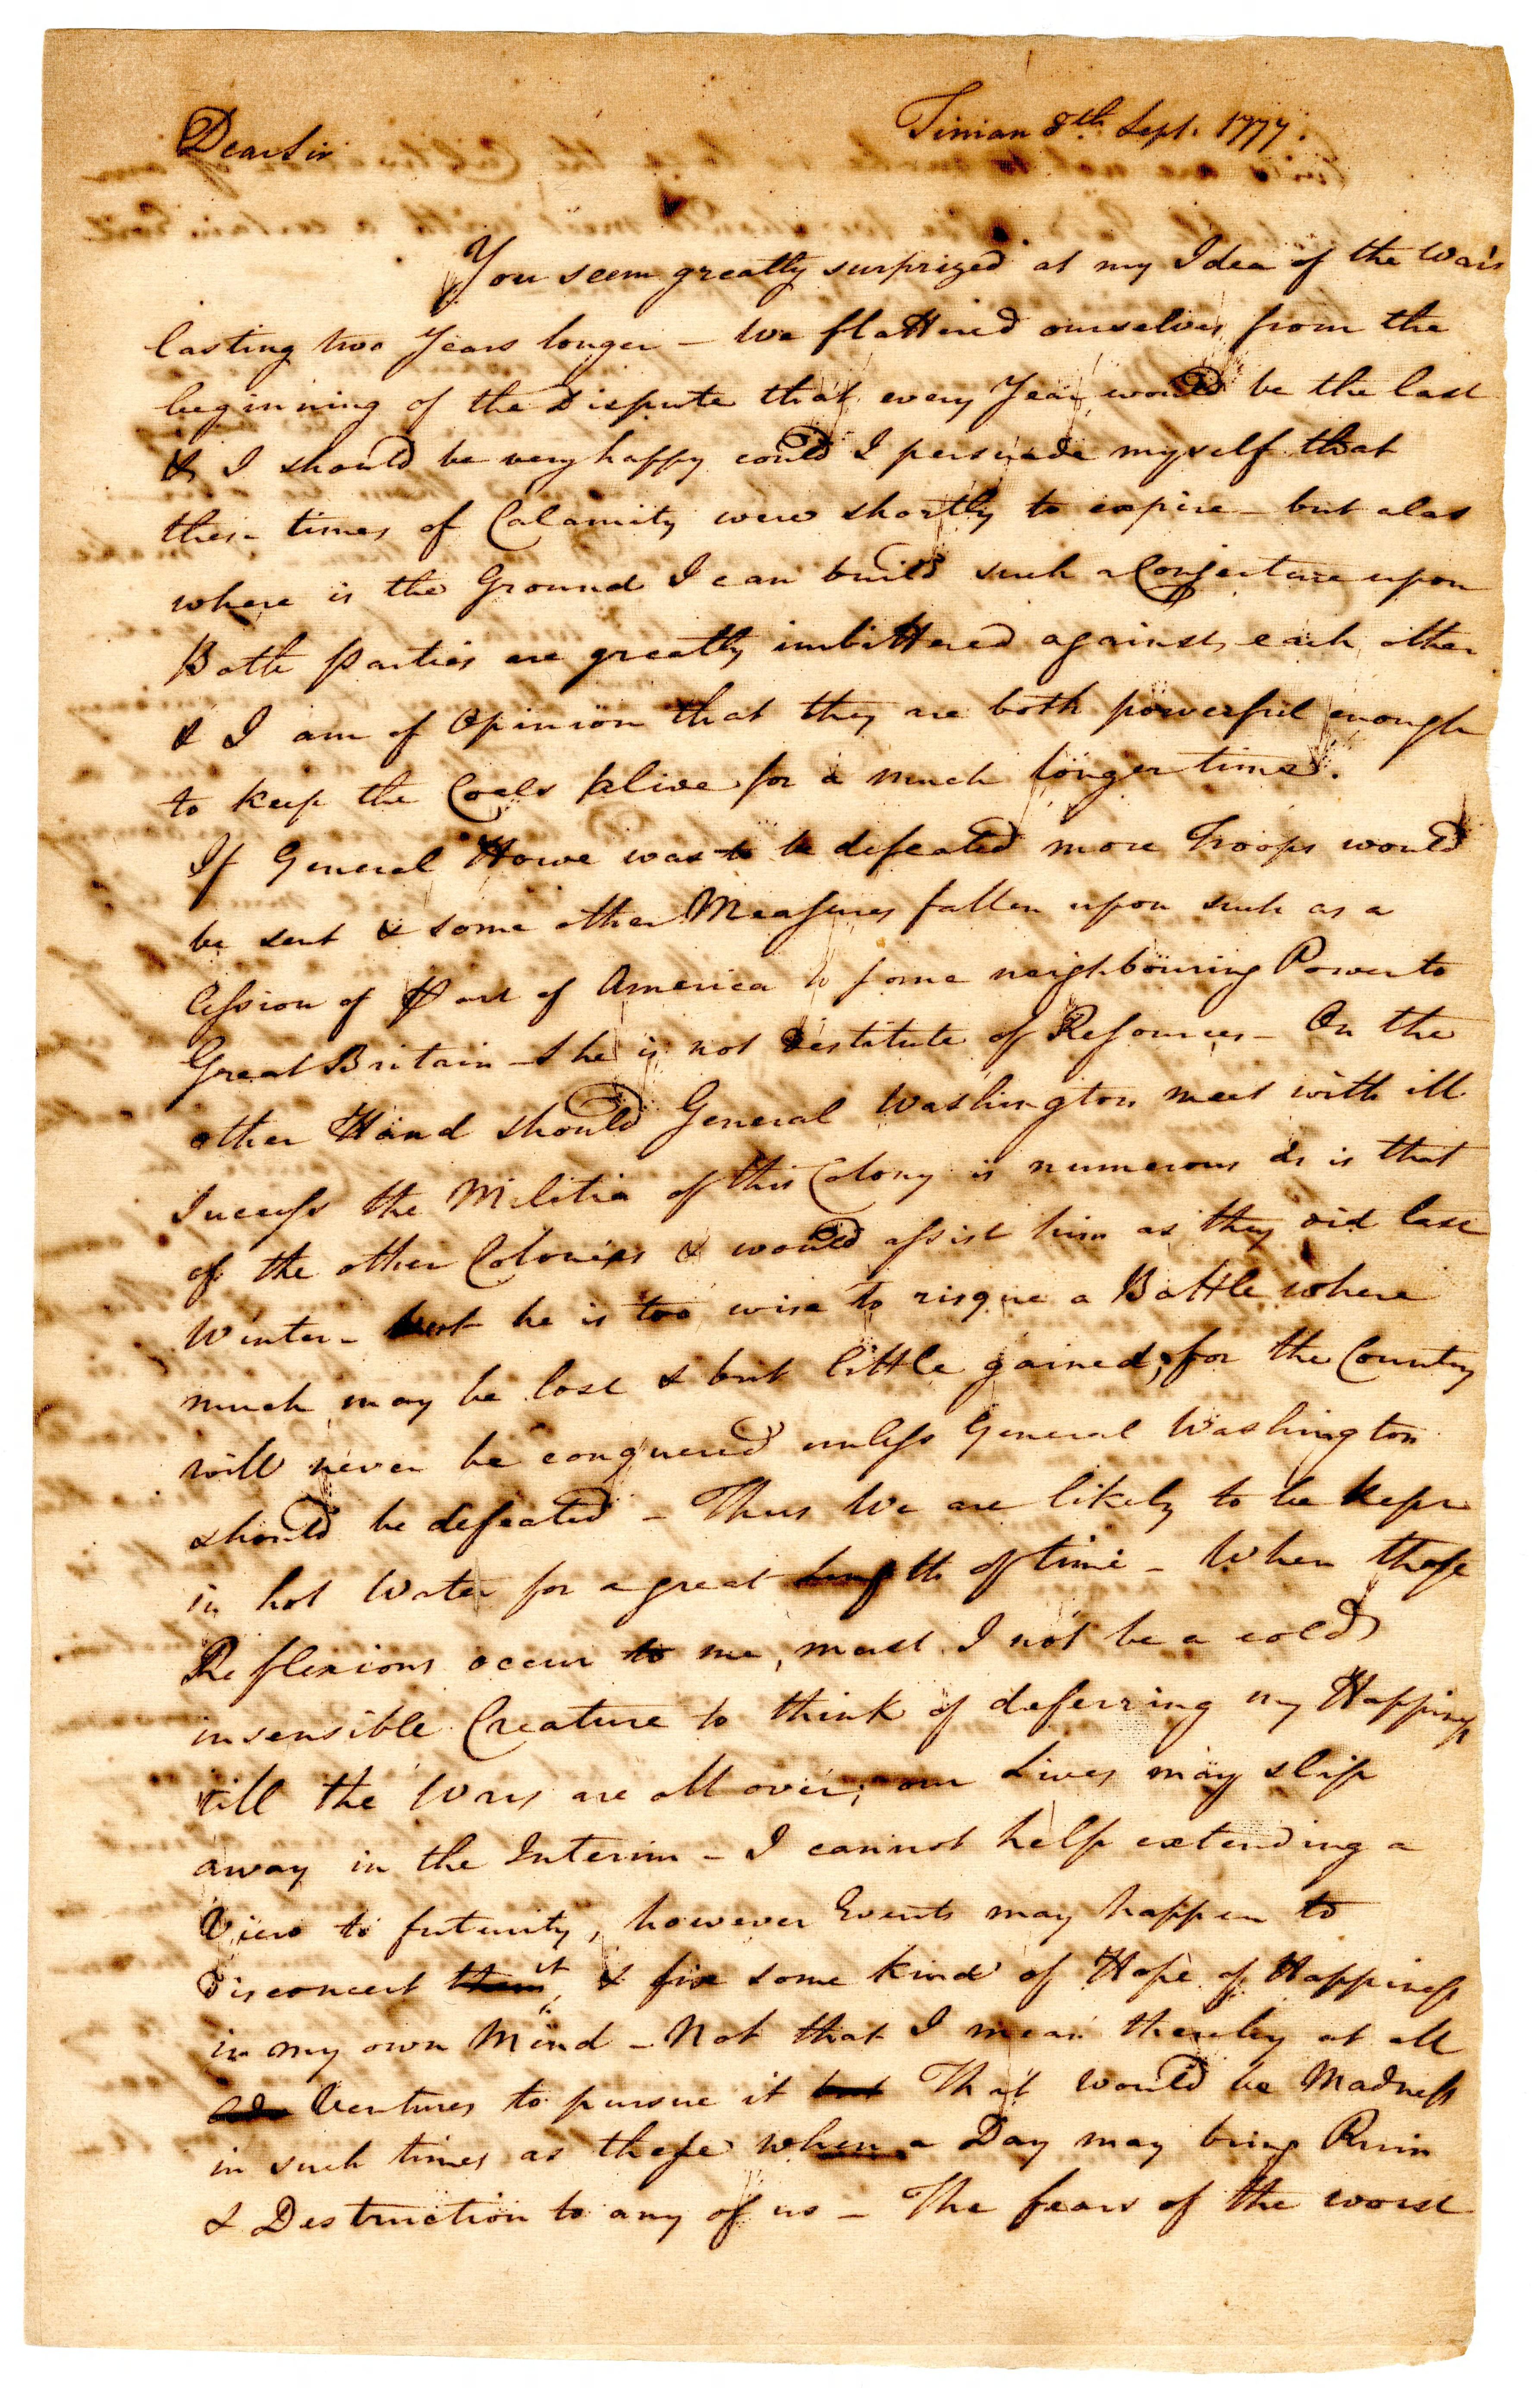Tinian 8^th. Sept. 1777.
Dear Sir
You seem greatly surprized at my Idea of the War's
lasting two Years longer- We flattered ourselves from the
beginning of the Dispute that every year would be the last
& I should be very happy could I persuade myself that
these times of Calamity were shortly to expire- but alas
where is the Ground I can build such Conjecture upon
Both parties are greatly imbittered against each other
& I am of Opinion that they are both powerful enough
to keep the Coals alive for a much longer time.
If General Howe was to be defeated more Troops would
be sent & some other Measures fallen upon such as a
Cession of per out of America to some neighbouring Power to
Greal Britain- She is not Destitute of Resources- On the
other Hand should General Washington meet with ill
success the Militia of this Colony is numerous as is that
of the other Colonies & would assist him as they did last
Winter- but he is too wise to risque a Battle where
much may be lost & but little gained; for the Country
will never be conquered unless General Washing ton
should be defeated- Thus We are likely to be kept
in hot Water for a great Length of time- When those
Reflexions occur to me, must I not be a cold
insensible Creature to think of deferring my Happiness
till the Wars are all over; our Lives may slip
away in the Interim- I cannot help extending a
View to futurity, however Events may happen to
it
disconcert them ^ & fixe some kind of Hope of Happiness
in my own Mind- Not that I mean thereby at all
also Ventures to pursue it but That would be Madness
in such times as those when a Day may bring Ruin
& Distraction to any of us- The fear of the worse